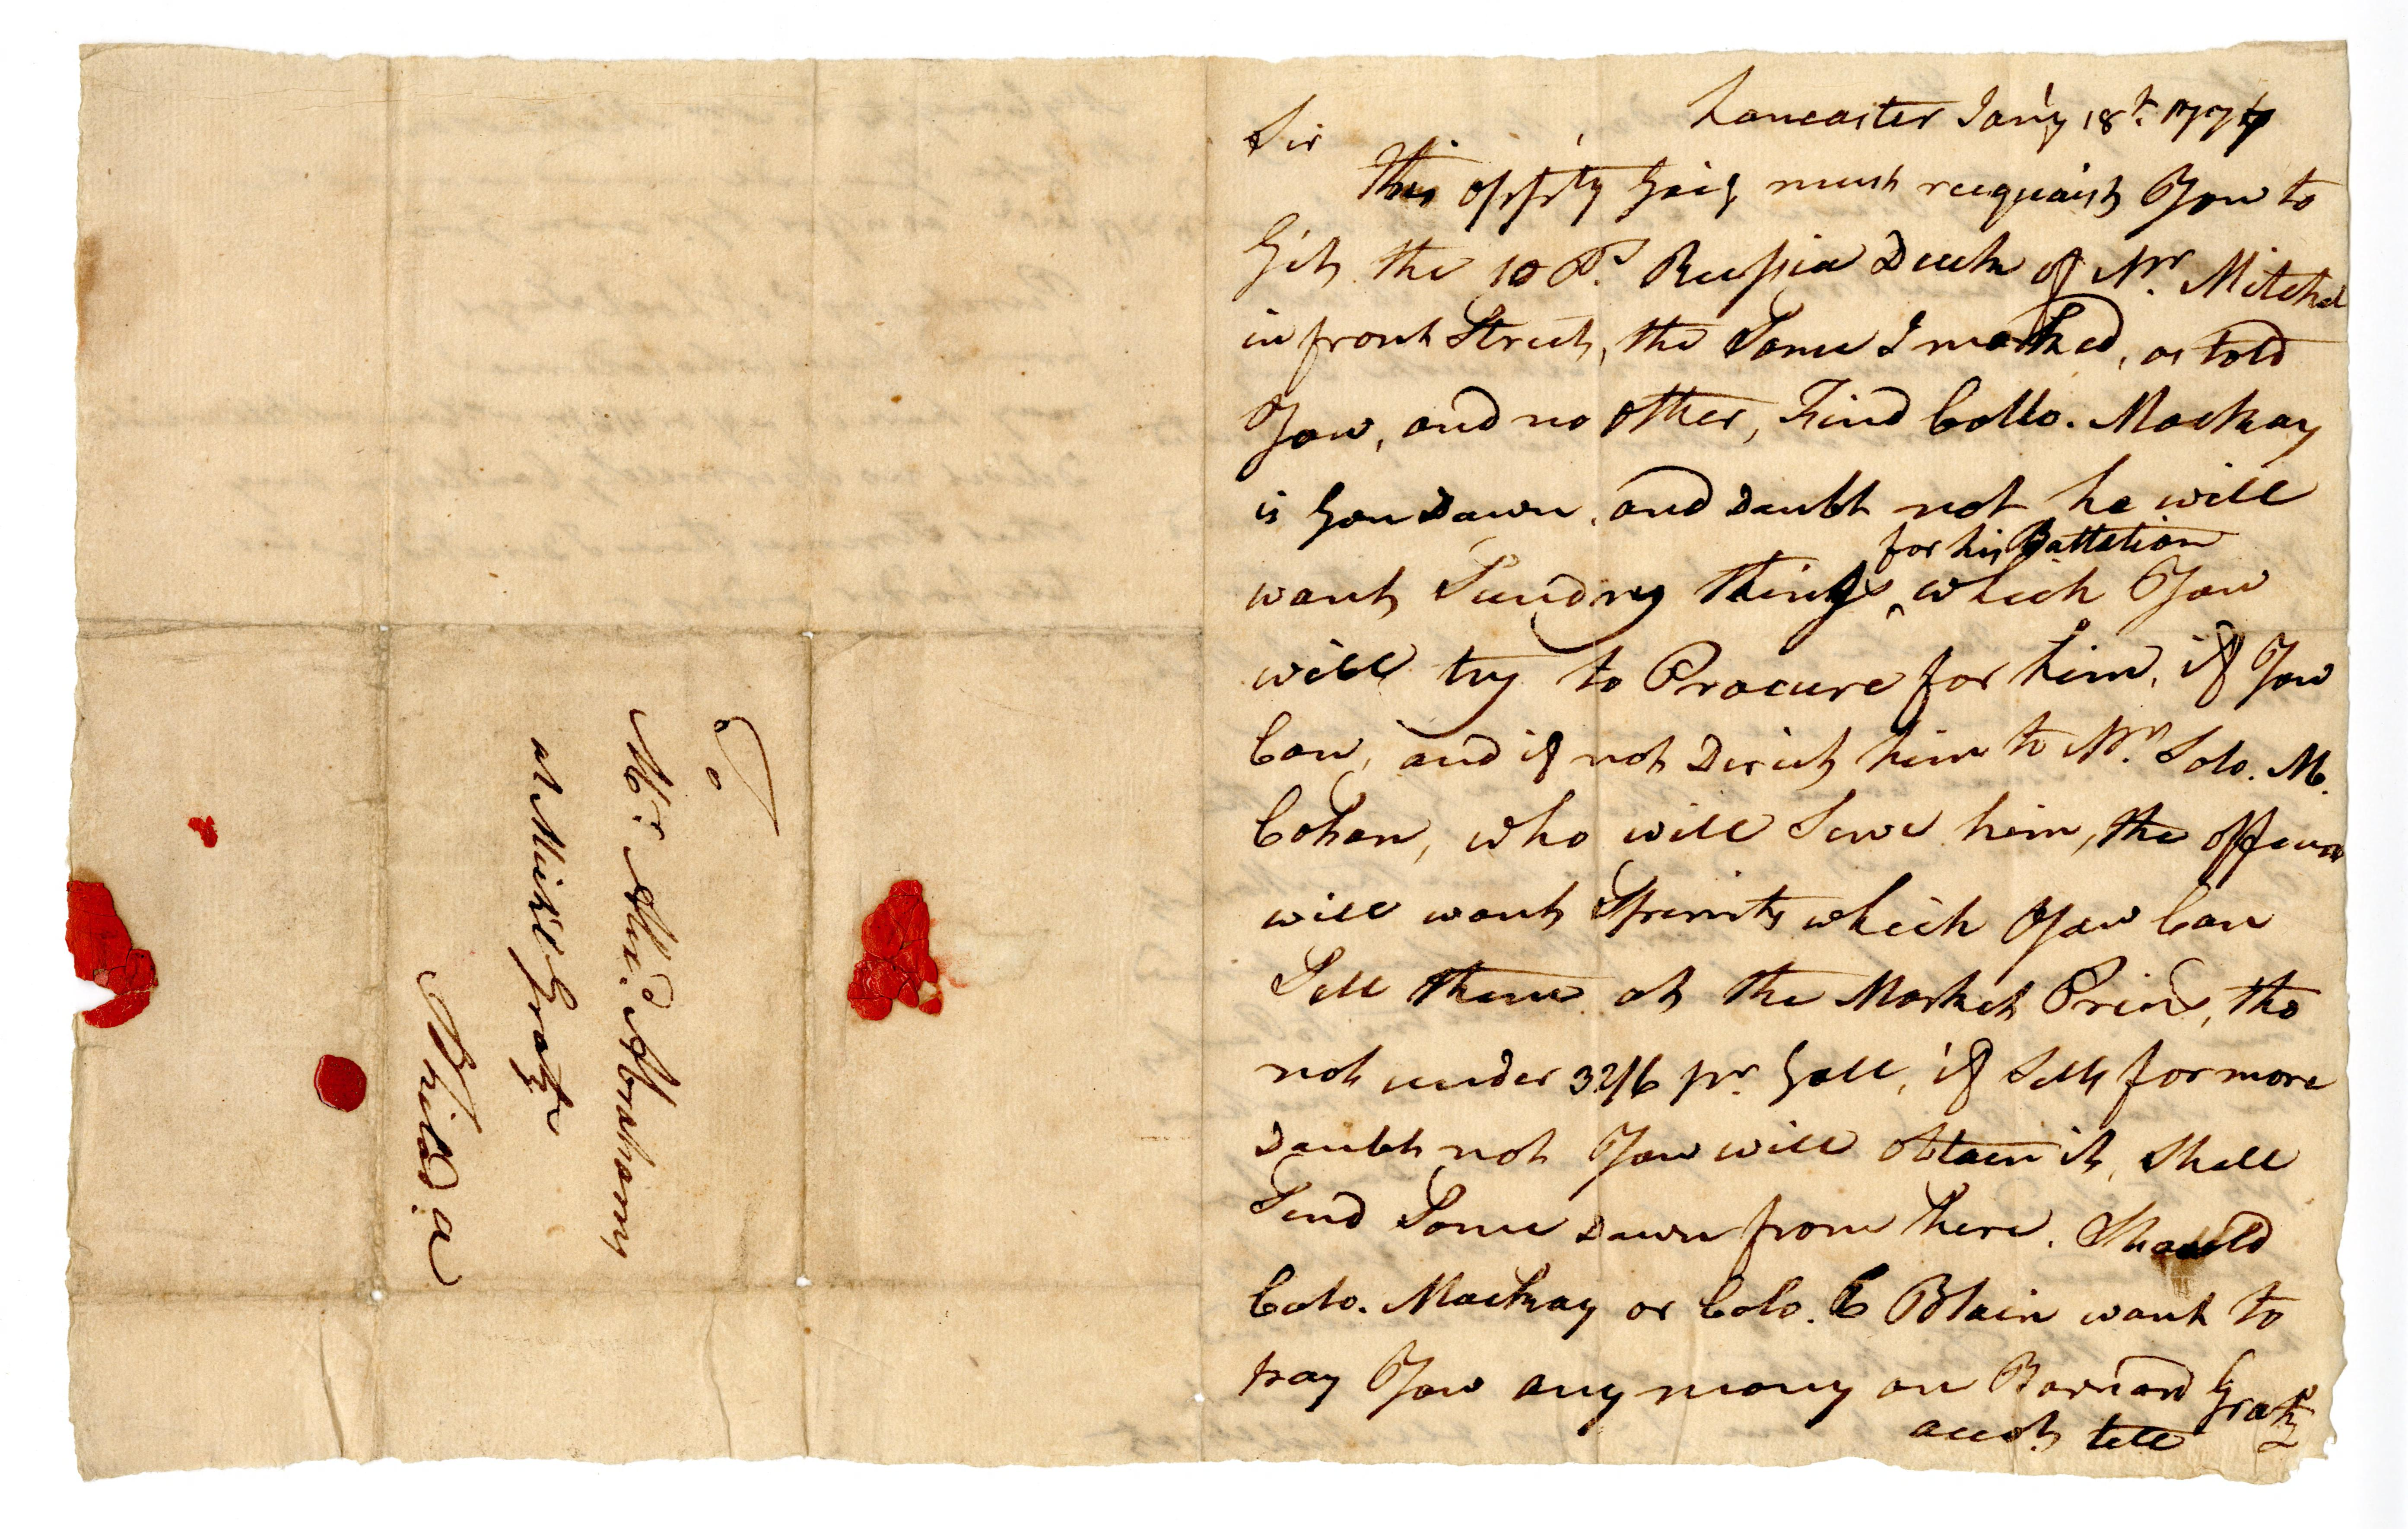To
M^r Alex^d. Abraham
at Mich^l Gratz
Philad^a
Lancaster Jan'y 18^h. 1777
Sir
This opp^ty Givg much requairs you to
git the 1000^s. Recpia Duck of M^r Mitchal
in front Street, the same I marked, as told
you, and no other, Find Collo. Mackay
is Gon Down and doubt not he will
for his Battalion
want Sundry things which you
will try to Procure for him, if you
Can, and if not Direct him to M^r Solo. M
Cohan, who will Save him, the officer
will want Spirrits which you can
sell them at the Market Price, tho
not under 32s6 p^r Gall, if Sells for more
doubt not you will obtain it shall
send some Down from here, Should
Colo. Mackay or Colo. C Blain want to
pay you any money or Barnard Gratz
acco^t tell